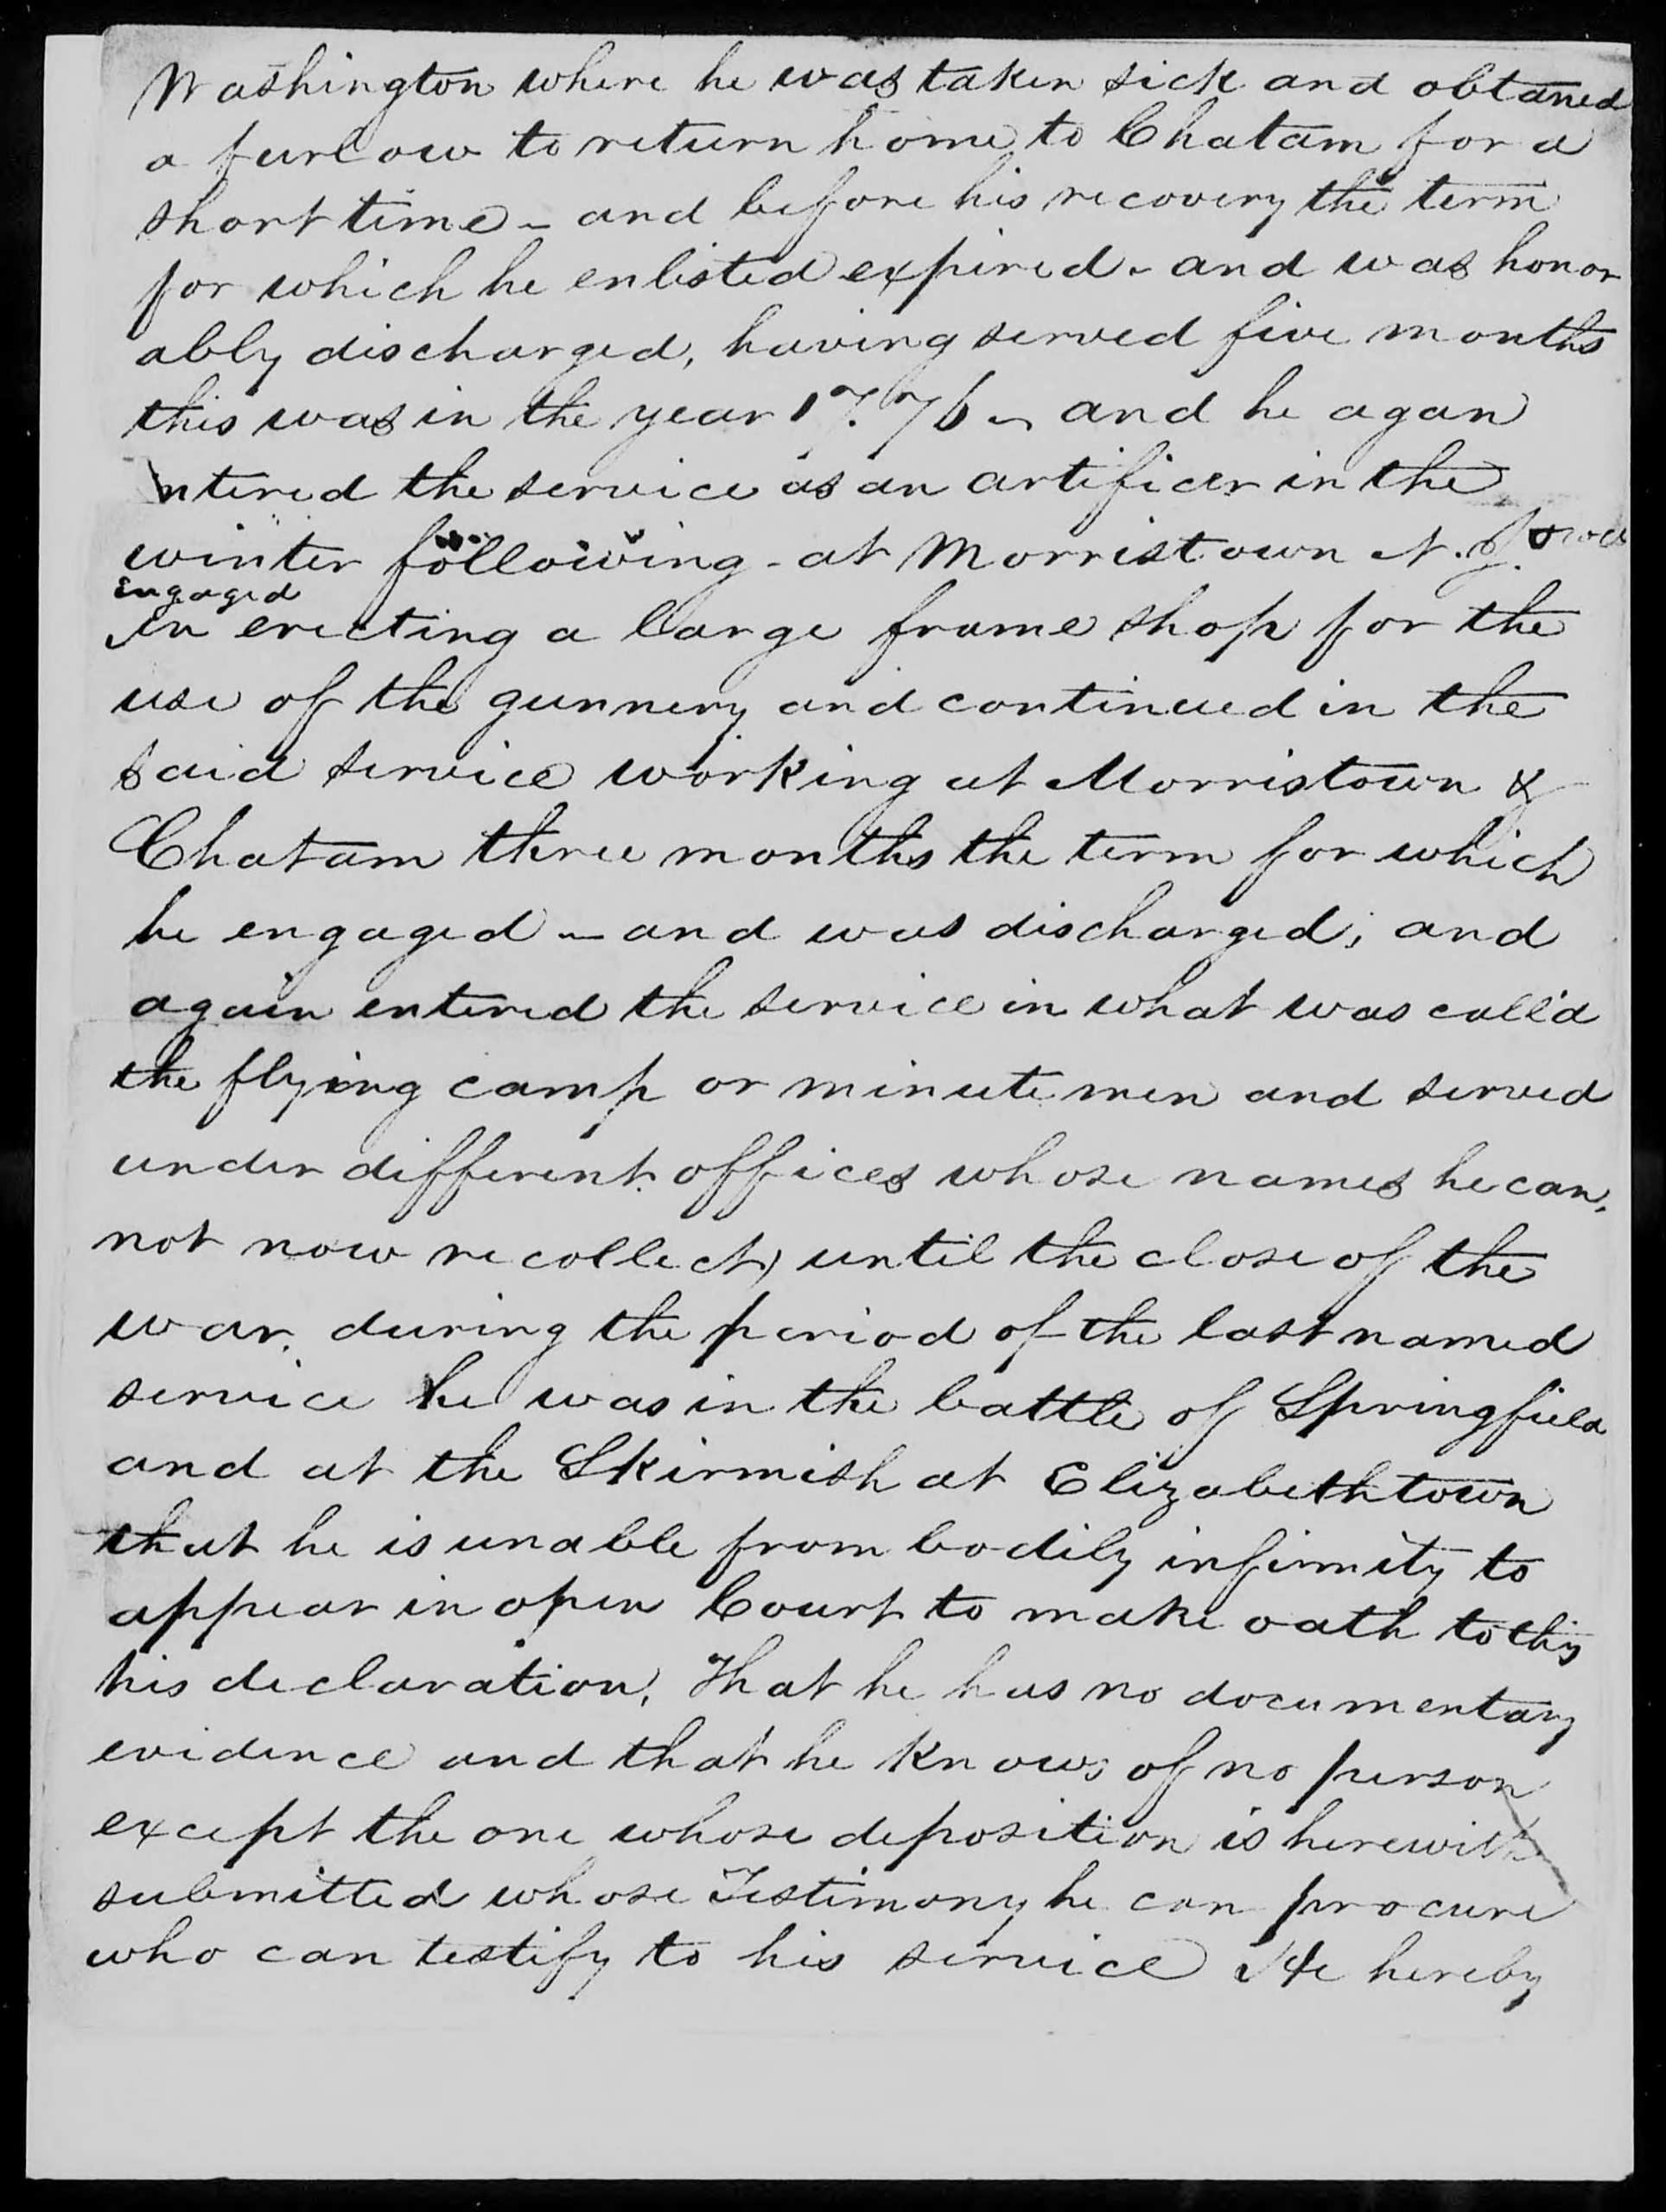Washington where he was taken sick and obtained a furlow to return home to Chatam for a short time - and before his recovery the term for which he enlisted expired and was honorably discharged, having served five months.  This was in the year 1776 - and he again entered the service as an artificer in the winter following at Morristown N.Y. & was engaged in evicting a large frame shop for the use of the gunnery and continued in the said service working at Morristown & Chatam three months, the term for which he engaged - and was discharged and again entered the service in what was called the flying camp or minutemen and served under different officers whose names he cannot now recollect, until the close of the war. During the period of the last named service he was in the battle of Springfield and at the skirmish at Elizabethtown.  That he is unable from bodily infirmity to appear in open Court to make oath to this his declaration.  That he has no documentary evidence and that he knows of no person except the one whose deposition is herewith submitted whose testimony he can procure who can testify to his service.  He hereby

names: Washington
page: 4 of 67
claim: rejected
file: R. 1009, Aaron Bonnel, New Jersey